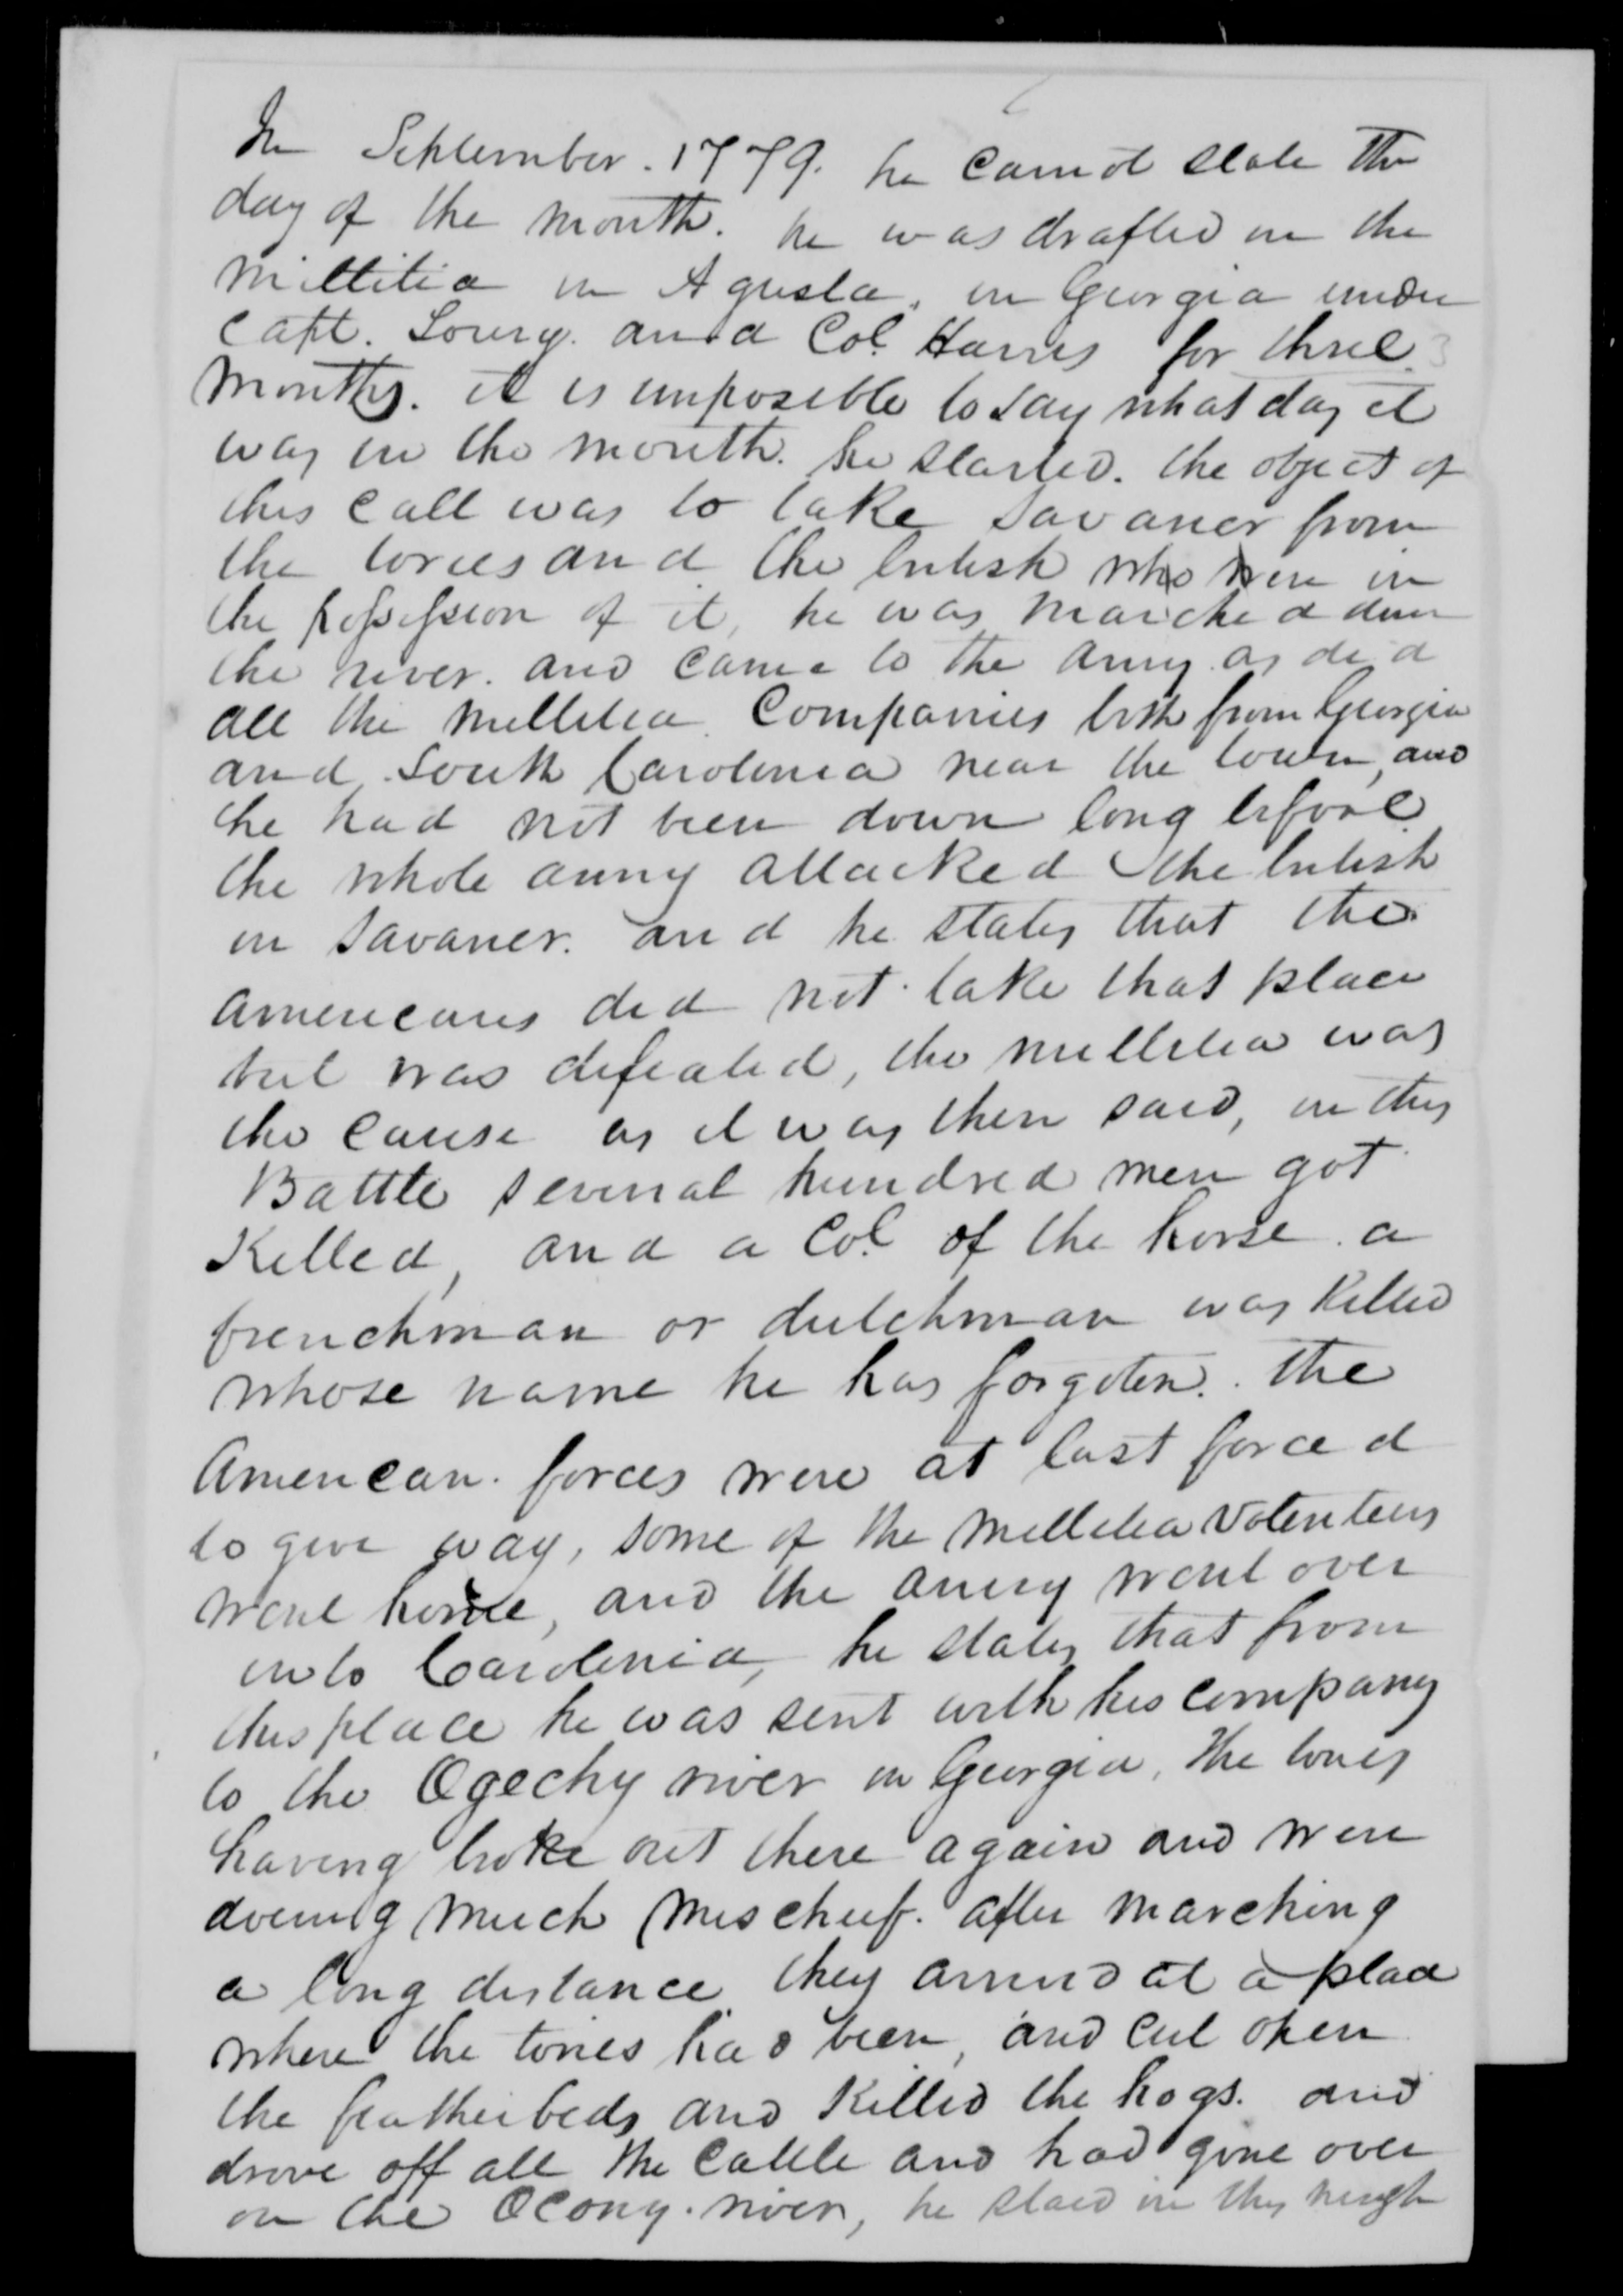In September 1779 he cannot state the day of the month he was drafted in the Militia in Augusts in Georgia under Capt. Loury and a Col. Harris for three months, it is impossible to say what day it was in the month he started, the object of this call was to lake Savannah from the Tories  and the British who were n the possession of it he was marched over the river and came to the army as did all the Militia companies both from Georgia and South Carolina near the town and they had not been down long before the whole army attacked the British in Savannah and he states that the Americans did not take that place but was defeated, the Militia was the cause as it was then said in this Battle several hundred men got killed, and a Col. of the horse a frenchman or dutchman was killed whose name he has forgotten. the American forces were at last forced to give way, some of the Militia volunteers went home, and the army went over into Carolina .he states that from this place he was sent with his company to the  Ogechy river in Georgia, the Tories having broke out there again and were doing much mischief after marching a long distance the arrived at a place where the Tories had been and cut open the feather beds and killed the hogs and drove off all the cattle and had gone over the Oconee river he stayed in the nigh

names: Loury, Harris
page: 25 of 100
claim: widow's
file: W. 6437, Richard Wells, Ga Va.